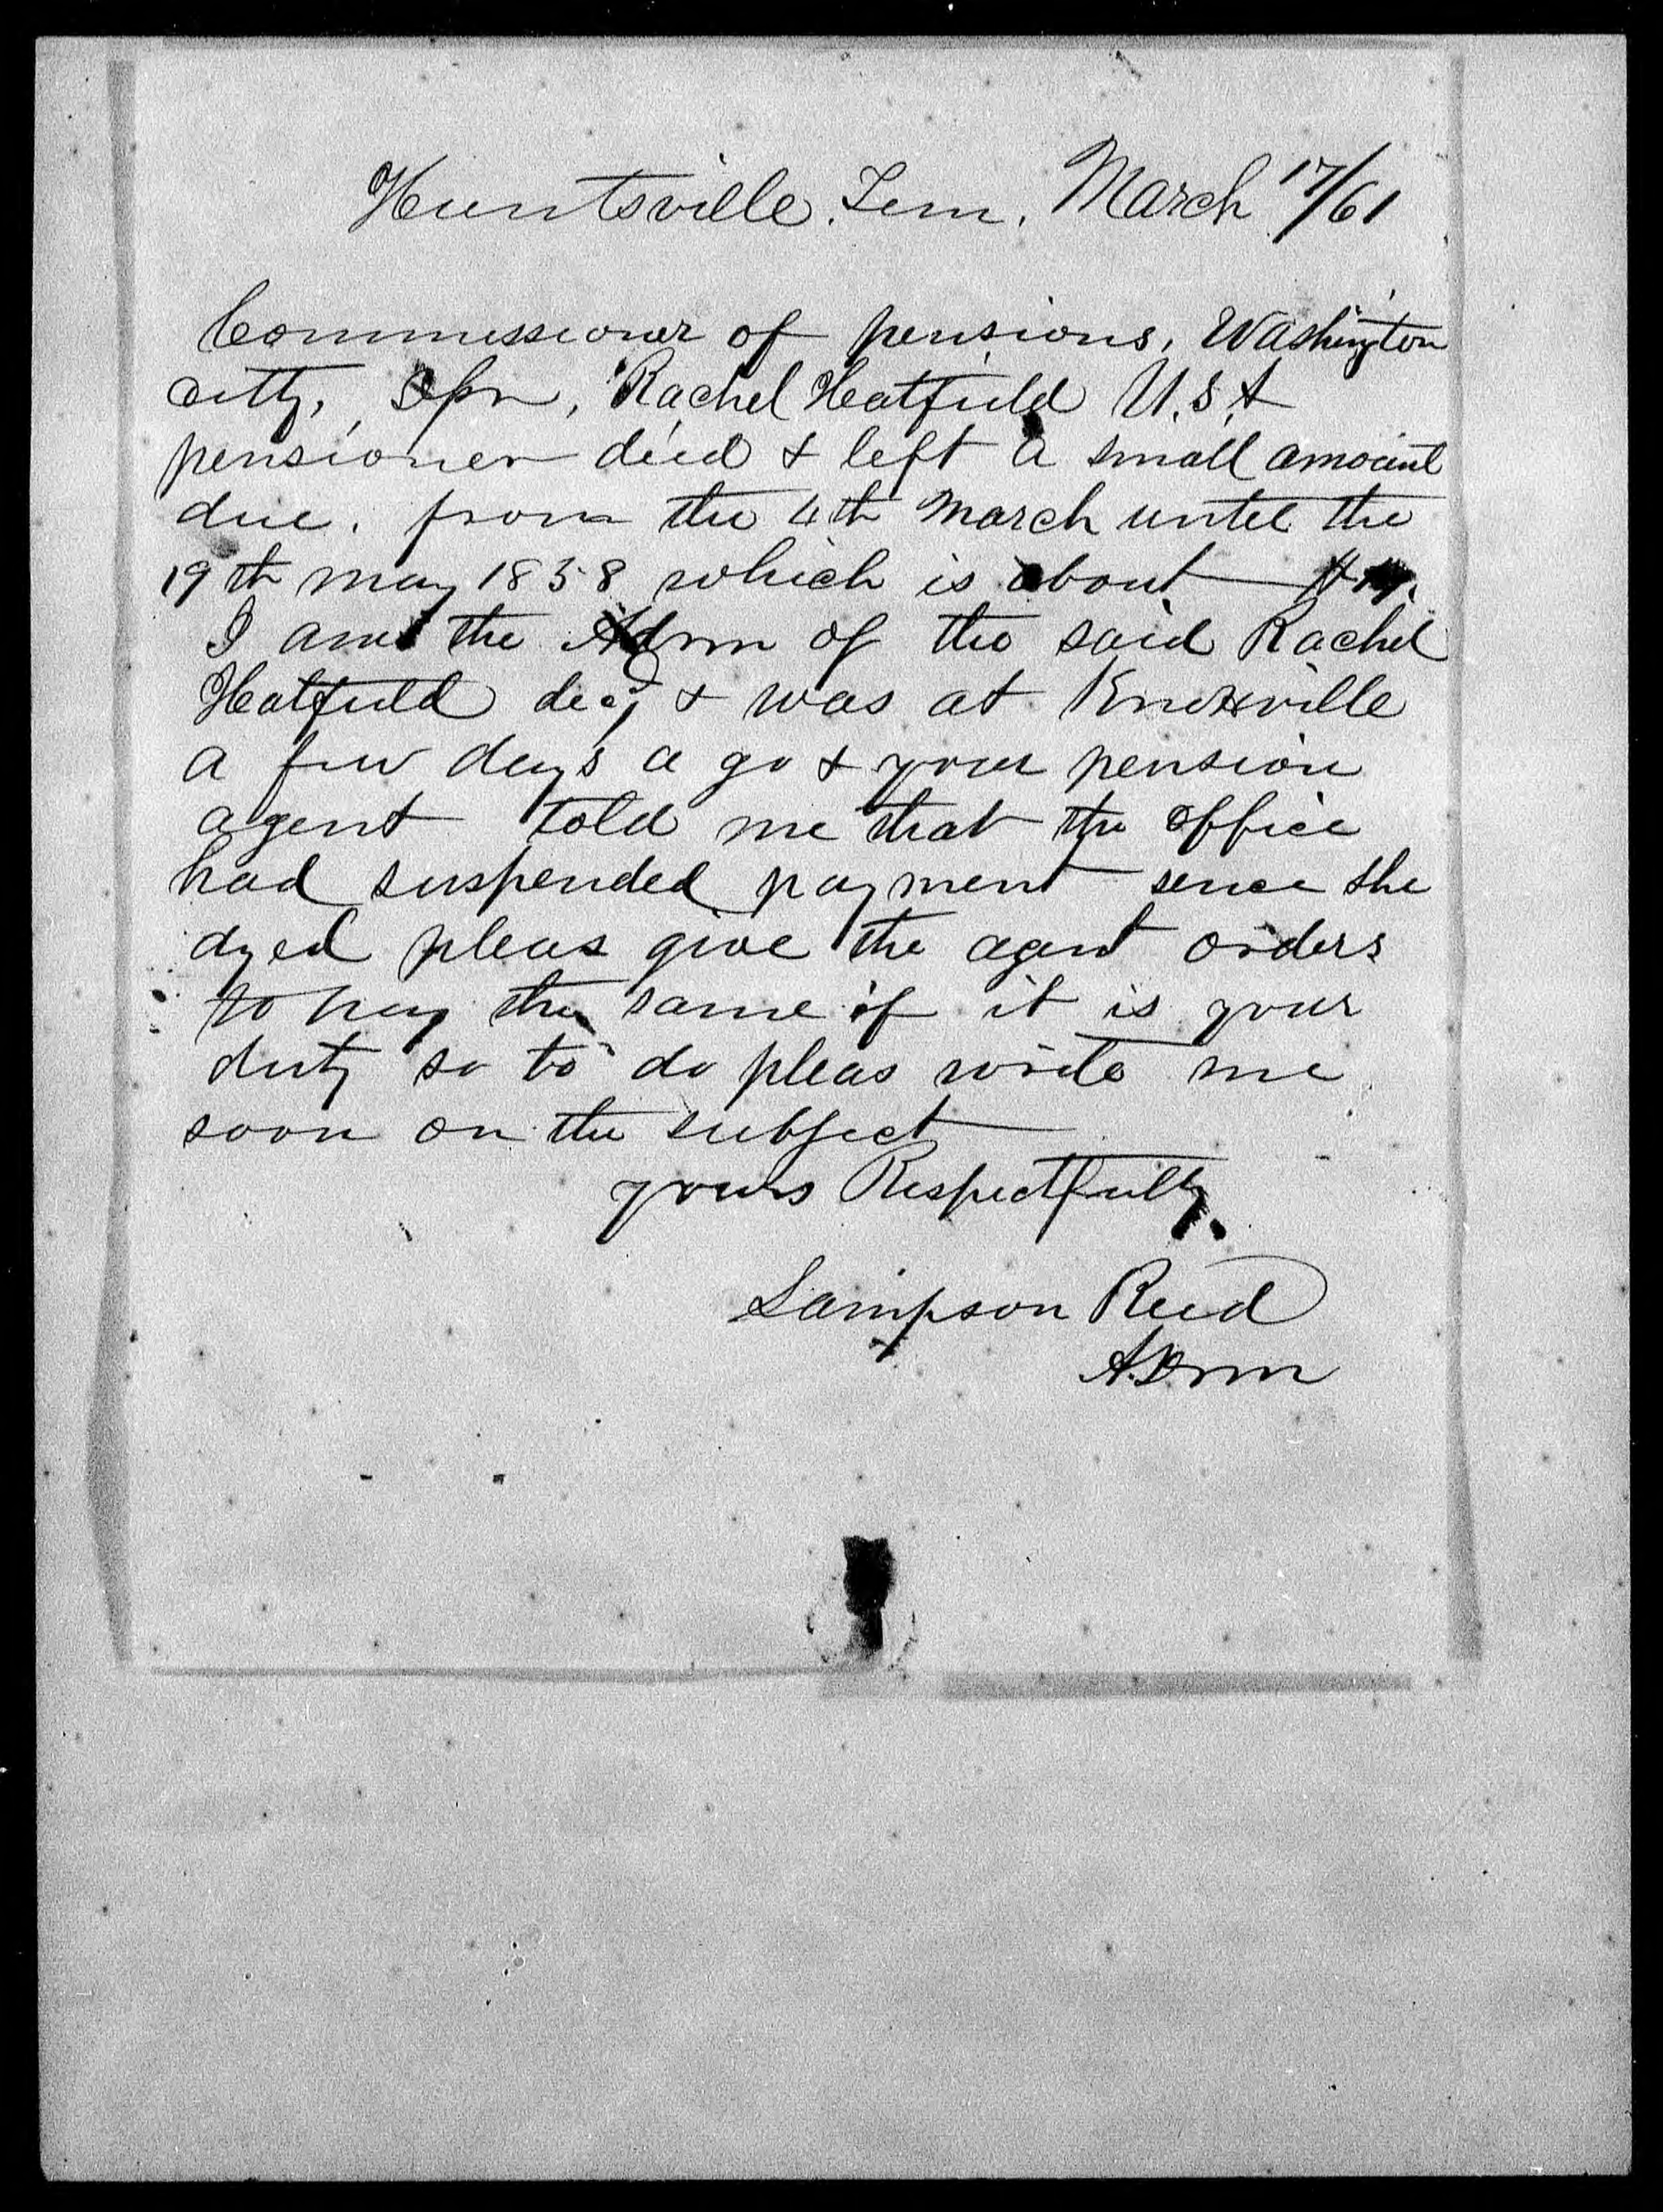Huntsville, Tenn, March 17/61

Commissioner of pensions, Washington
City, D Sir, Rachel Hatfield U.S.A.
pensioner died & left a small amount
due, from the 4th March until the
19th May 1858 which is about $19
I and the Admr of the said Rachel
Hatfield decd, & was at Knoxville
a few days ago & your pension
agent suspended payment since she
dyed pleas give the agent orders
to pay the same if it is your
duty so to do pleas write me
soon on the subject
yours Respectfully
Sampson Reed ADM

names: Rachel Hatfield, Sampson Reed, Rachel Hatfield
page: 24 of 74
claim: widow's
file: W. 5, Joseph Hatfield, Va.